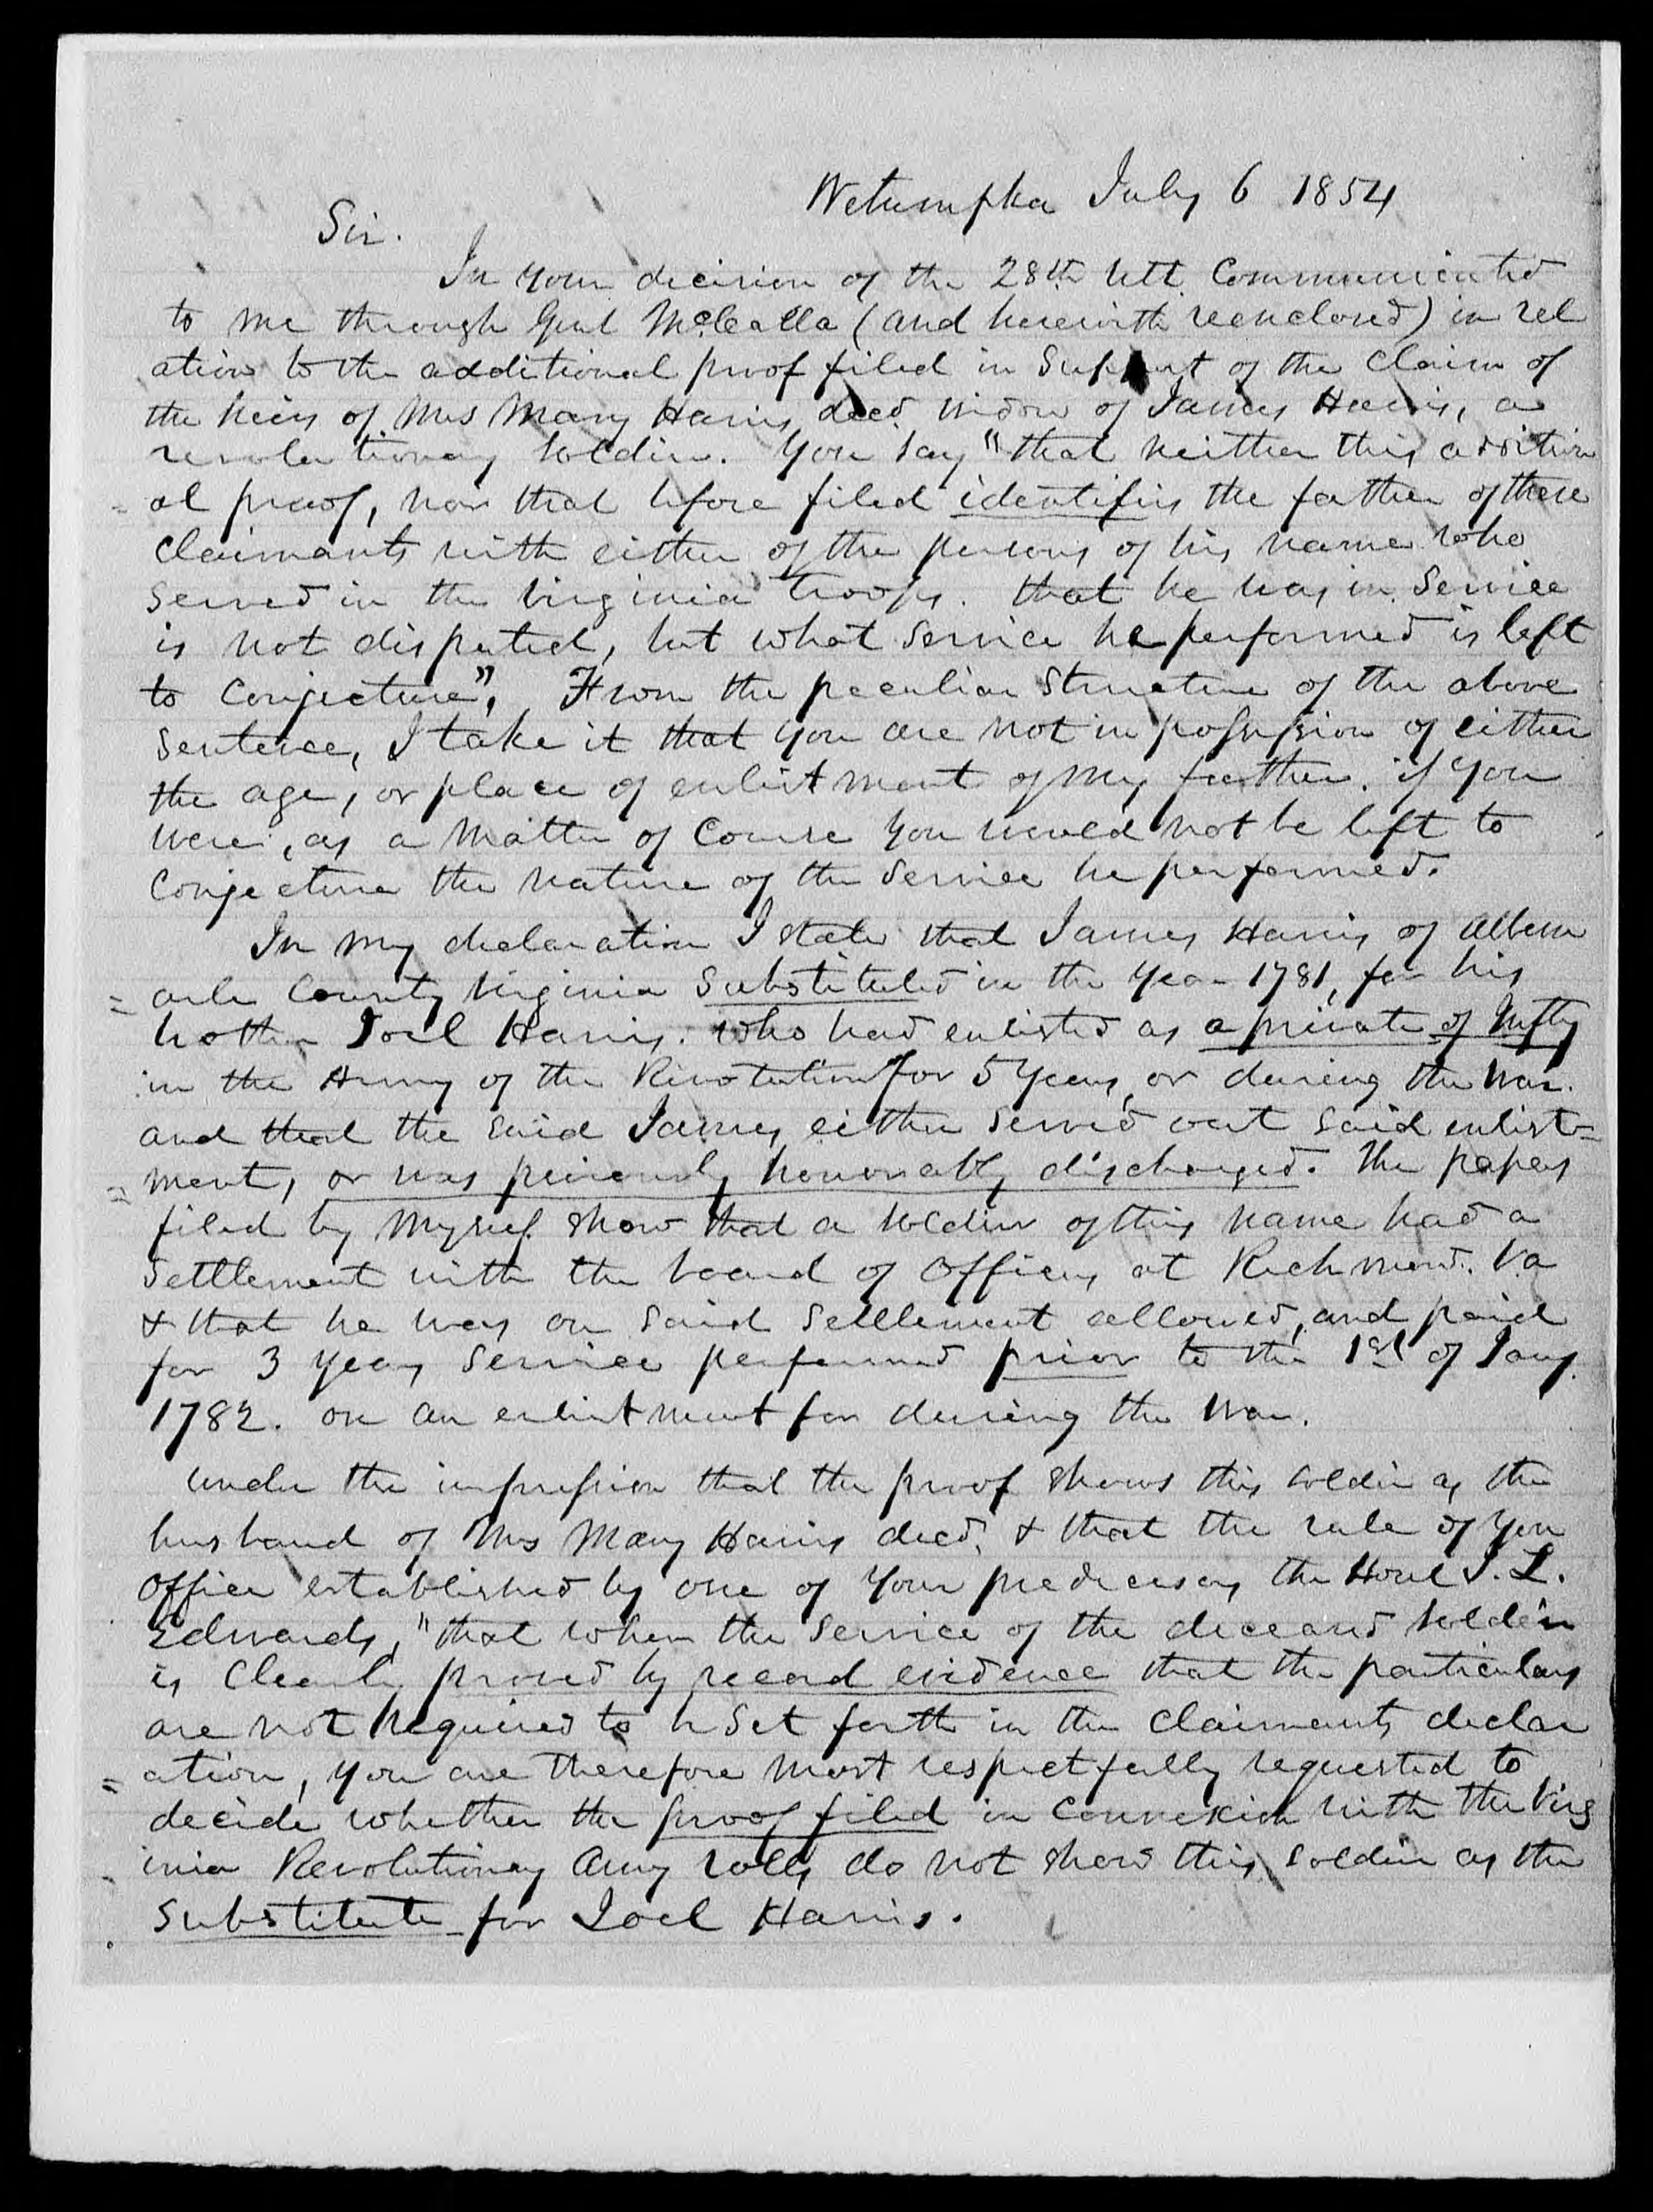Washington July 6, 1854
Sir,
   In you decision of the 28th ult. Communicated to me through Genl McCalla (and herewith reenclosed) in relation to the additional proof filed in support of the claim of the heirs of Mrs. Mary Harris decd widow of James Harris, a revolutionary soldier, you say "that neither this additional proof, nor that before filed identifies the father of the claimants with either of the persons of his name who served in the Virginia troops, that he was in service is not disputed, but what service he performed is left to conjecture."  From the peculiar structure of the above sentence, I take it that you are not in possession of either the age, or place of enlistment of my father. If you were, as a matter of course, you would not be left to conjecture the nature of the service he performed.
   In my declaration I state that James Harris of Albemarle County Virginia Substituted in the year 1781 for his brother Joel Harris who had enlisted as a private of infty in the Army of the Revolution for 5 years or during the war and that the said James either served out said enlistment, or was previously honorably discharged.  The papers filed by myself show that a soldier of this name had a settlement with the board of officers at Richmond, Va & that he was on said settlement allowed and paid for 3 years service performed prior to the 1st of Jany 1782 on an enlistment for during the war.
   Under the impression that the proof shows this soldier as the husband of Mrs. Mary Harris decd, & that the rule of your office established by one of your predecessors the Honl J. L  Edwards "that when the service of the deceased soldier is clearly proved by record evidence that the particulars are not required to be set forth in the claimants declaration," you are therefore most respectfully requested to decide whether the proof filed in connection with the Virginia Revolutionary Army rolls do not show this soldier as the substitute for Joel Harris.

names: Joel Harris, James Harris, Mary Harris, Mc Calla, Joel Harris, Mary Harris, James, James Harris, J L Edwards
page: 18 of 160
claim: rejected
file: R. 4666, James Harris, Va.